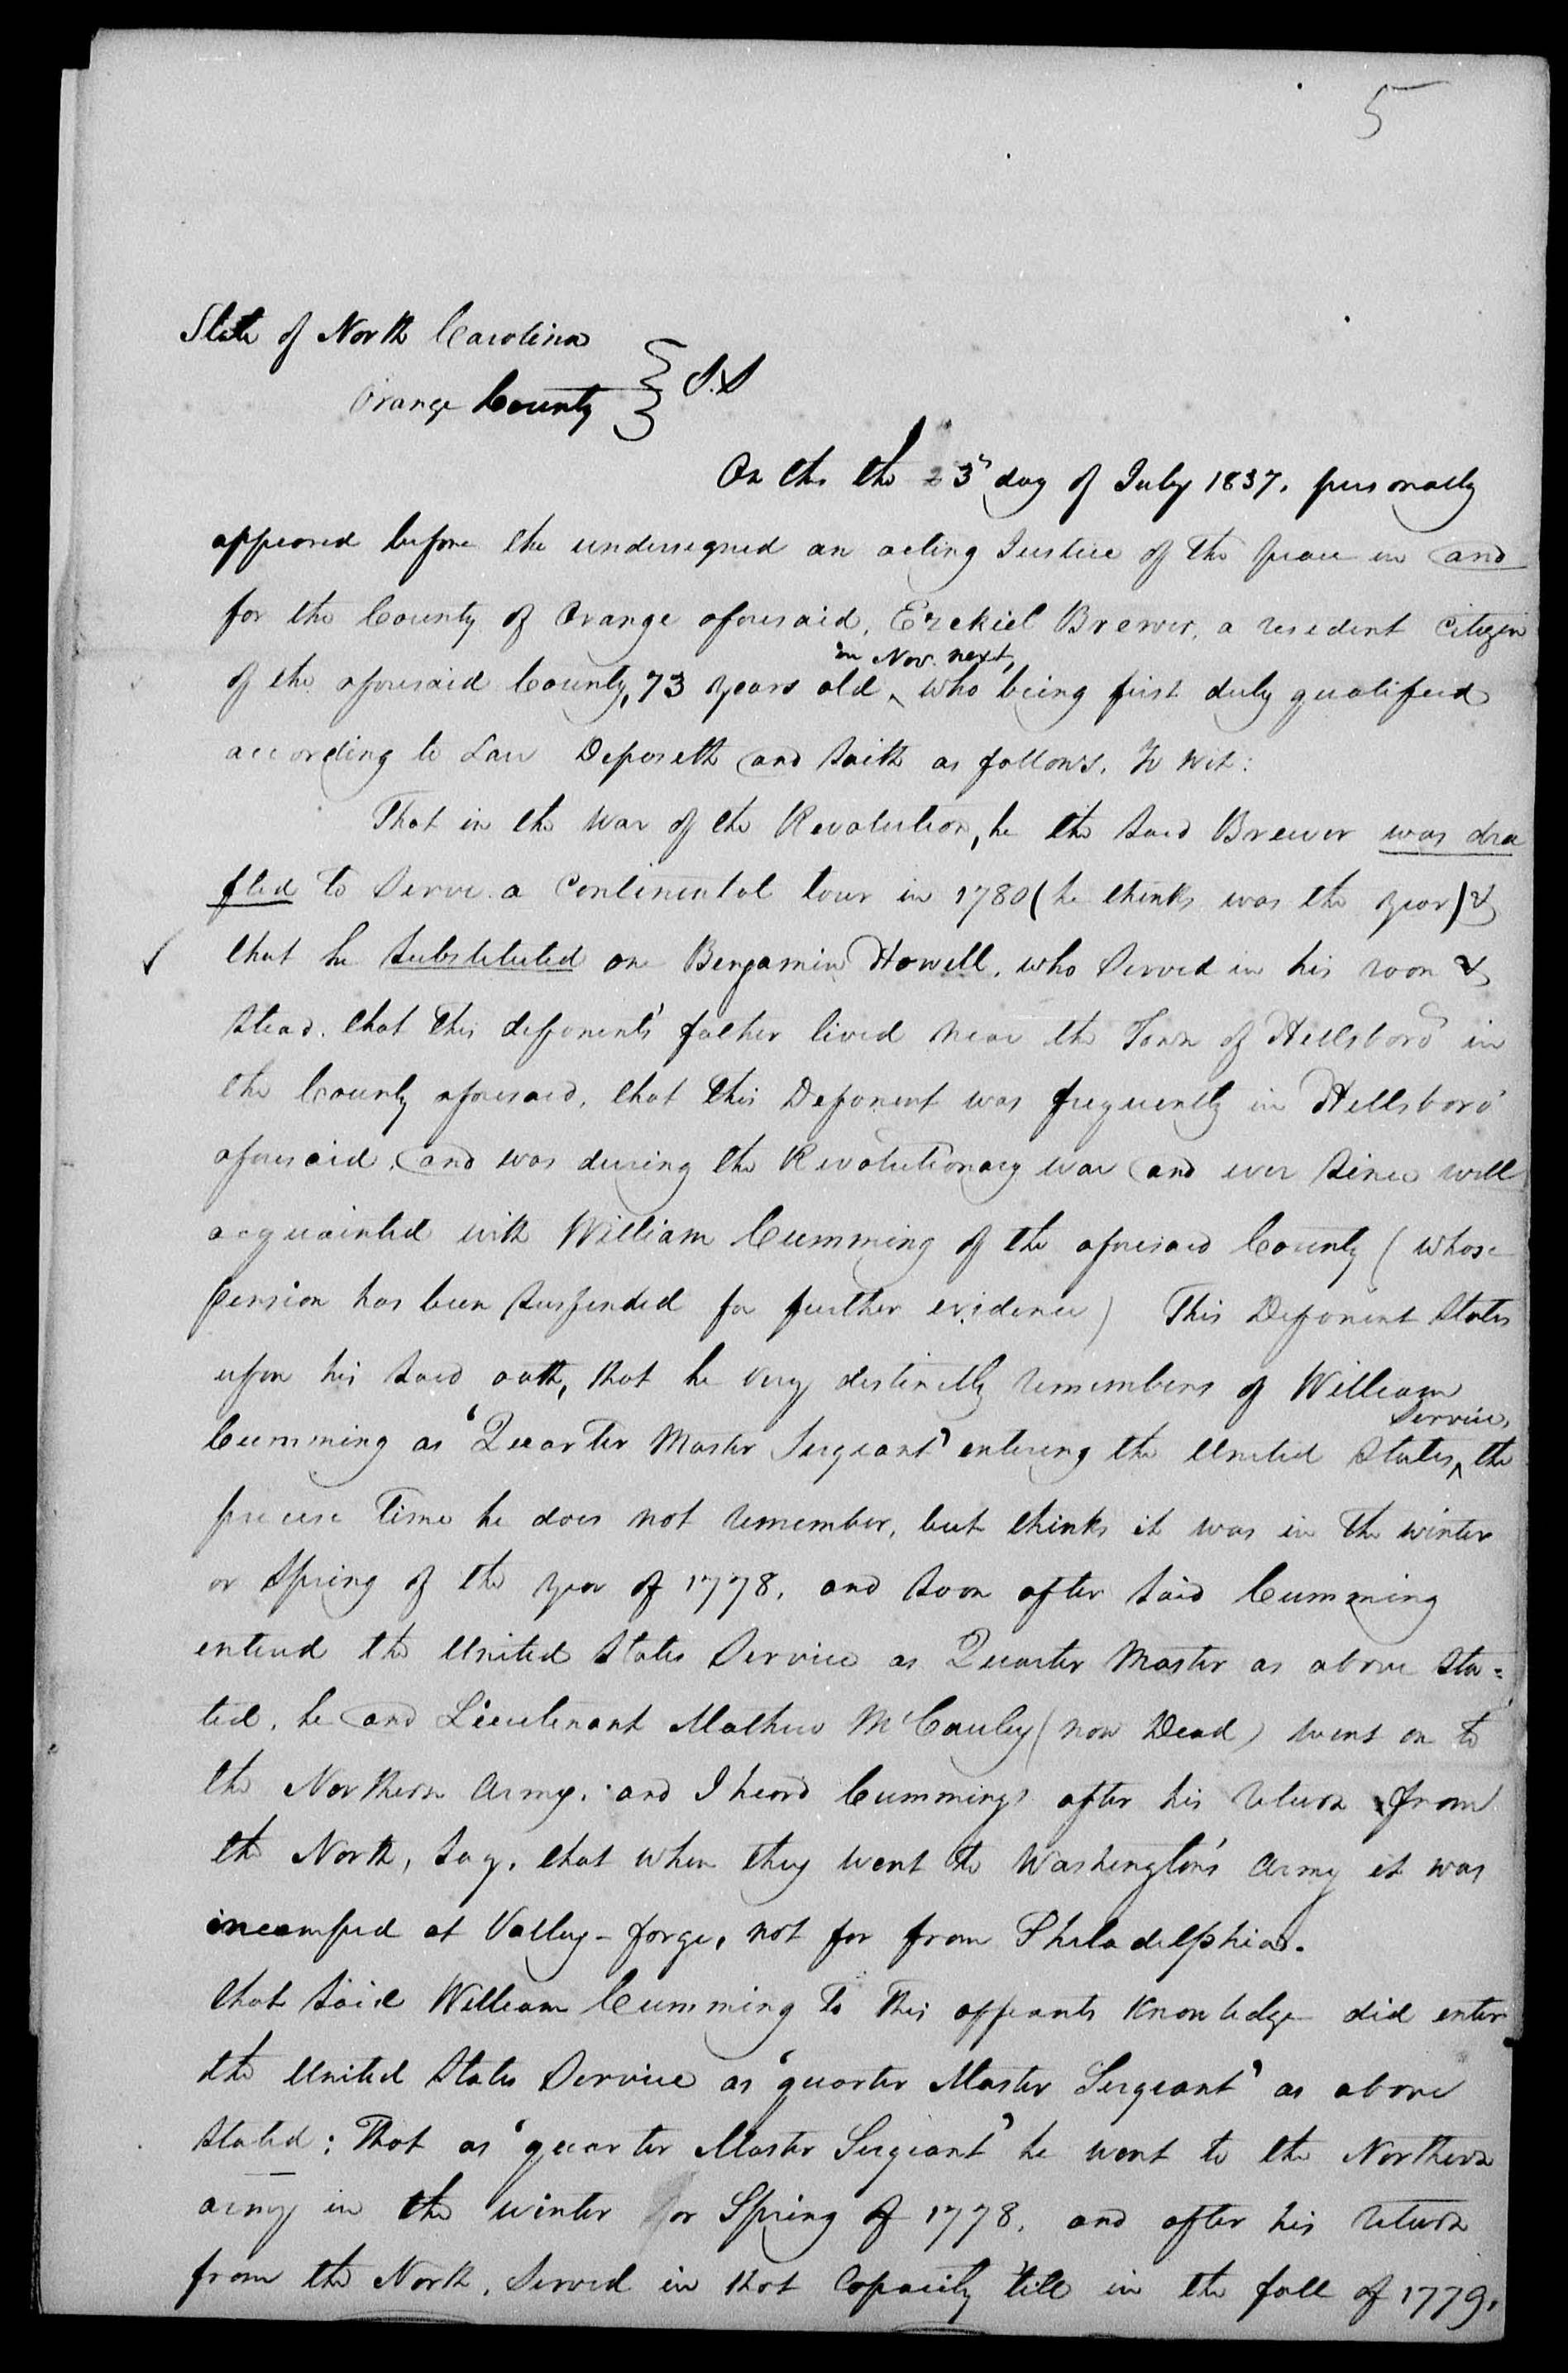[Handwritten record.  First page of Ezekiel Brewer's statement. Occasional spacing has been included to make the long text block easier to read. There is a large handwritten "5" which appears to have been written in pencil, near the top right hand corner of the page.]

State of North Carolina)
Orange County) SS

On this the 23rd day of July 1837, personally appeared before the undersigned an acting Justice of the peace in and for the County of Orange aforesaid, Ezekiel Brewer, a resident Citizen of the aforesaid County, 73 years old ^ in Nov. next, who being first duly qualified according to Law Deposeth and Saith as follows. To Wit:

That in the War of the Revolution, he the Said Brewer [here the next two words are underlined:] was drafted to Serve a Continental tour in 1780 (he thinks was the year) [here near the right hand page margin, there is either a "2" or an ampersand sign meaning "and," followed by a small check mark near the left page margin] that he [here the following word is underlined:] Substituted one Benjamin Howell, who Served in his room [here there is another "2" or ampersand meaning "and"] Stead.

that this deponent's father lived near the Town of Hillsboro in the County aforesaid, that this Deponent was frequently in Hillsboro' aforesaid and was during the Revolutionary War and ever Since well acquainted with William Cumming of the aforesaid County (whose pension has been Suspended for further evidence)

This Deponent States upon his Said oath, that he Very distinctly Remembers of William Cumming as 'Quarter Master Sergeant' entering the United States ^Service, the precise time he does not remember, but thinks it was in the winter or Spring of the year of 1778, and Soon after Said Cumming entered the United States Service as Quarter Master as above stated, he and Lieutenant Mathew McCauley (now Dead) went on to the Northern Army, and I heard Cummings after his return from the North, Say, that when they went to Washington's Army it was incamped [encamped] at Valley - forge, not far from Philadelphia.

that Said William Cumming to this affiants Knowledge did enter the United States Service as 'quarter Master Sergeant' as above Stated:  That as 'quarter Master Sergeant' he went to the Northern army in the winter or Spring of 1778, and after his return from the North, Served in that Capacity 'till in the fall of 1779,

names: William Cumming, Cummings, Benjamin Howell, Mathew Mc Cauley, William Cumming, Brewer, William Cumming, Cumming, Ezekiel Brewer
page: 115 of 145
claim: survivor's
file: S. 8265, William Cumming, N.C.